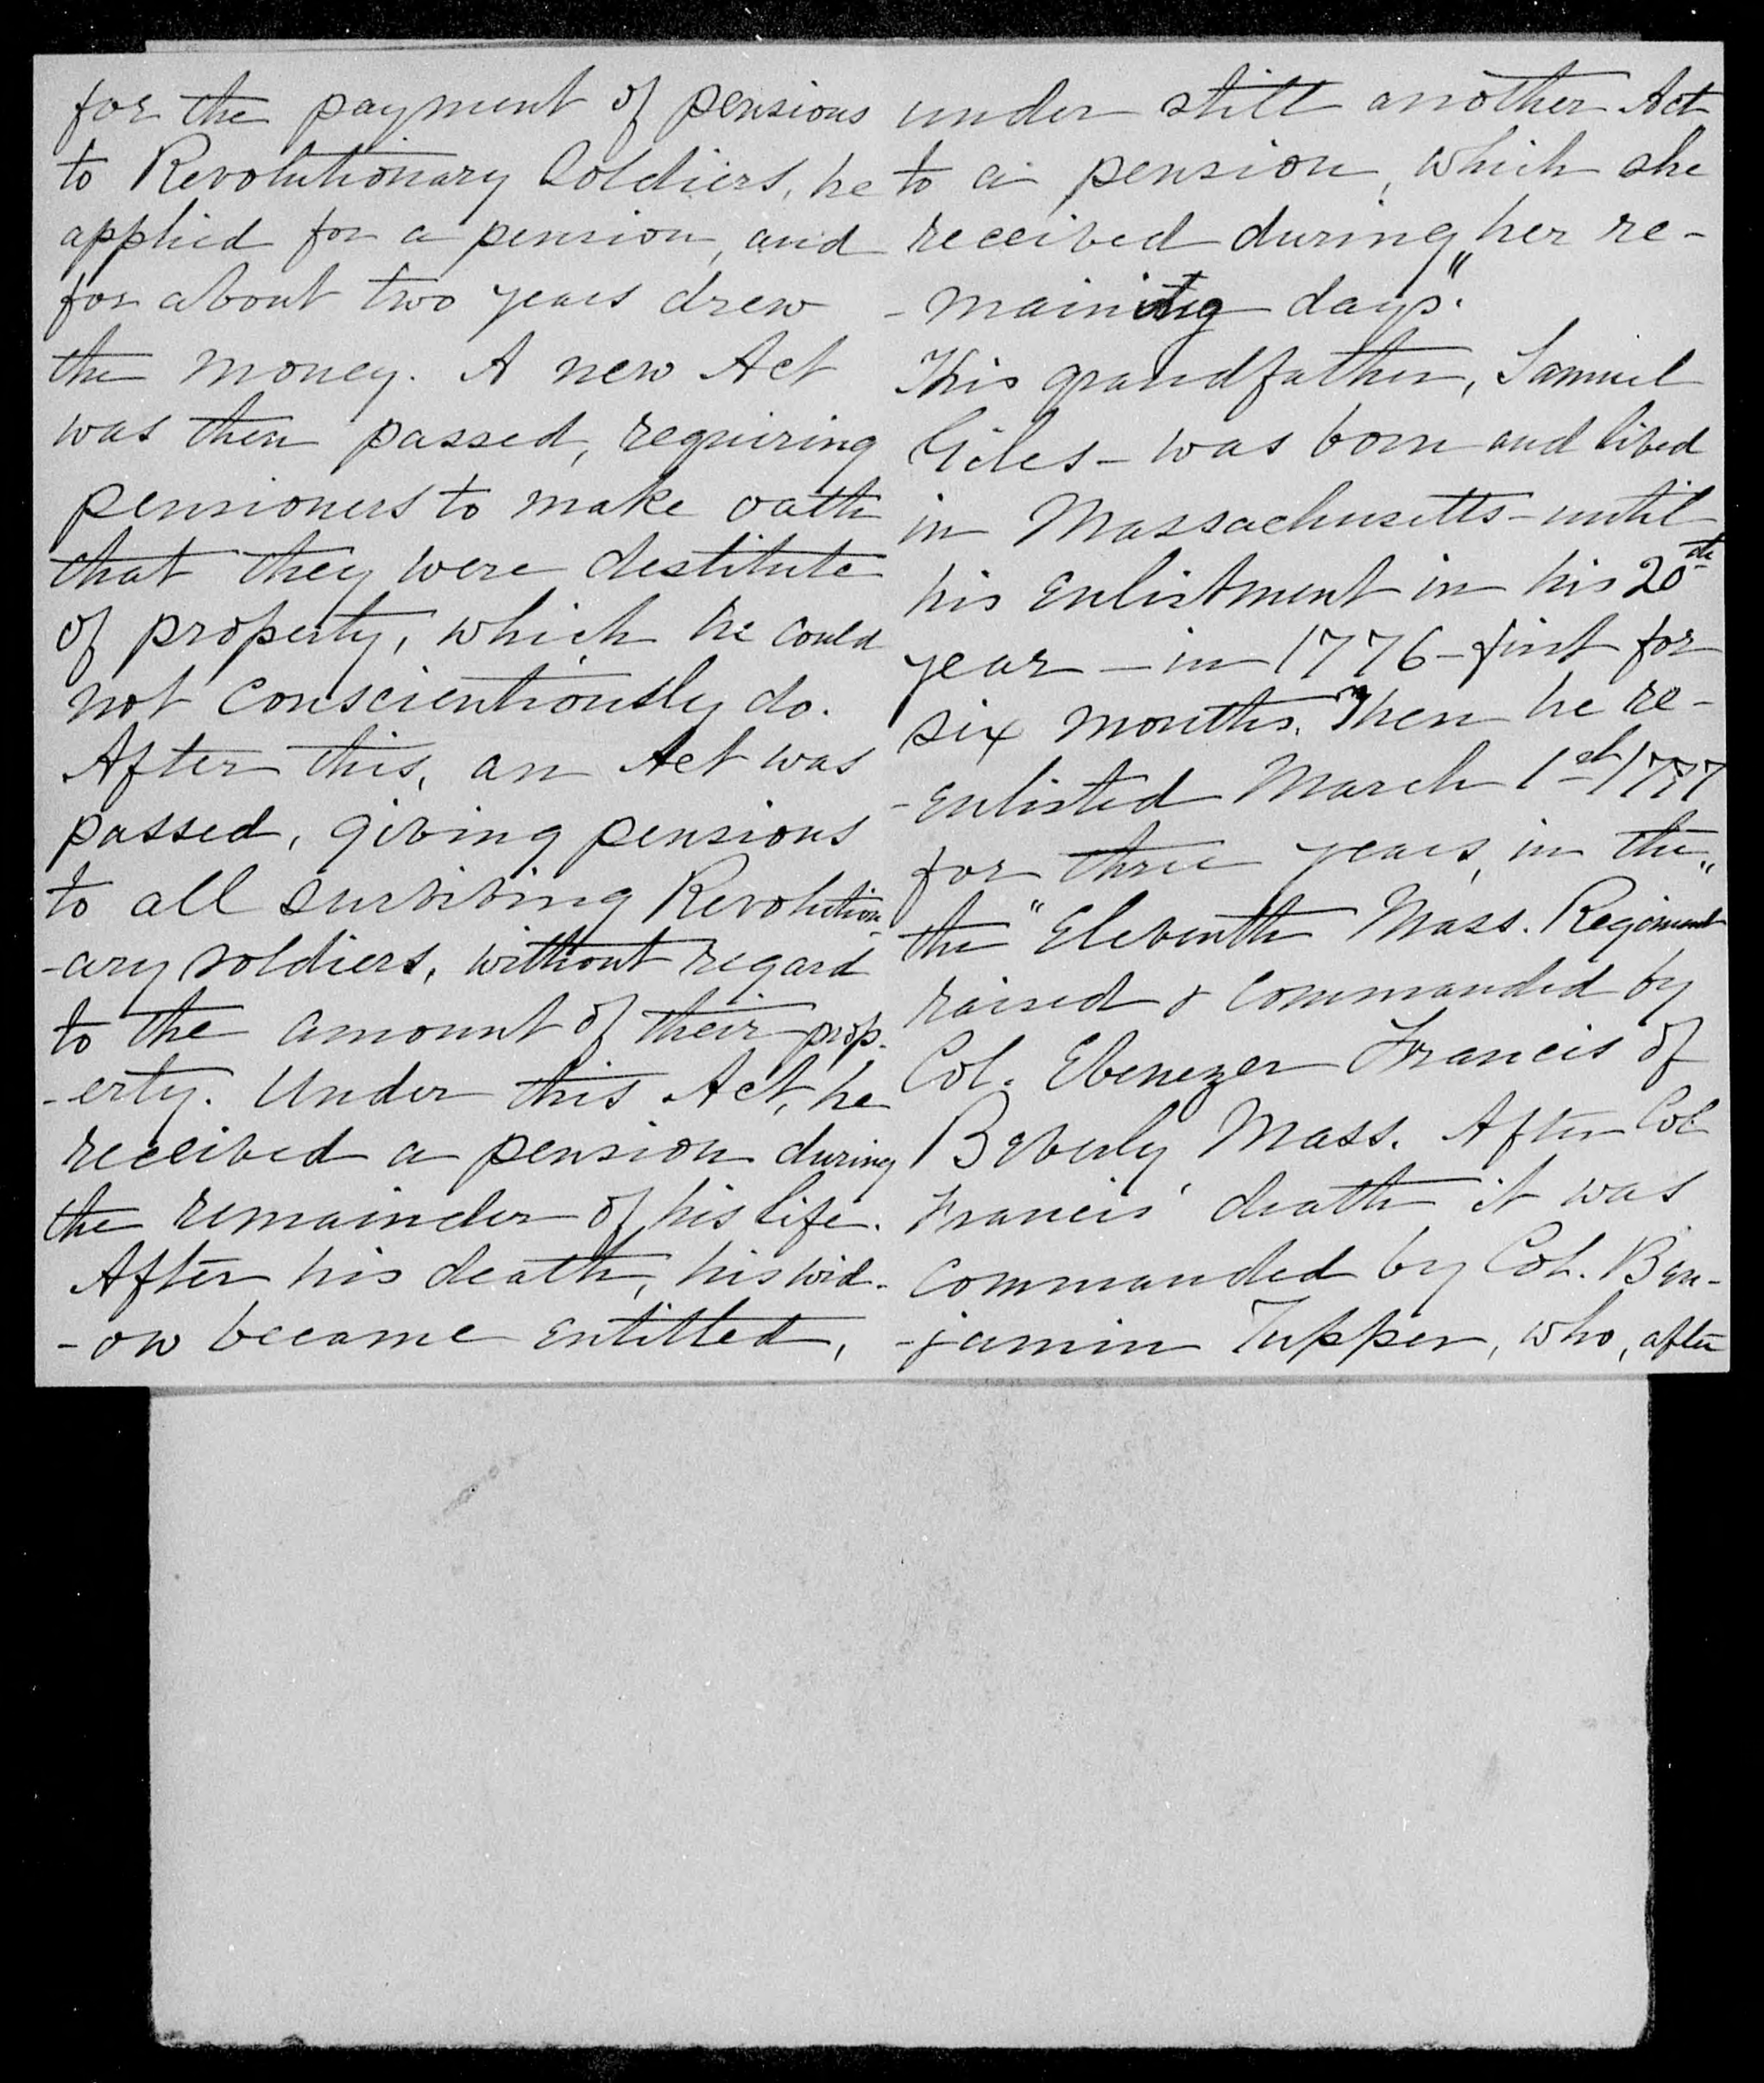for the payment of pensions to revolutionary soldiers, he applied for a pension and for about two years drew the money. A new Act was then passed, requiring pensioners to make oaths that they were destitute of property, which he could not conscientiously do. After this, an Act was passed, giving pensions to all surviving Revolution-ary soldiers, without regard to the amount of their prop-erty. Under this act he received a pension during the remainder of his life. After his death, his wid-ow became entitled under still another Act to a pension which she received during her remain-ing days.
This grandfather, Samuel Giles __ was born and lived in Massachusetts __ until his enlistment in his 20th year __in 1776 -- first for six months, then he re--enlisted March 1st 1777 for three years, in the the [sic] "Eleventh Mass. Regiment" raised + commanded by Col. Ebenezer Francis of Beverly Mass. After Col. Francis' death it was commanded by Col. Ben-jamin Tupper, who, after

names: Beverly Mass, Ebenezer Francis, Francis, Giles, Benjamin Tupper, Samuel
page: 24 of 55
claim: widow's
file: W. 19503, Samuel Giles, Conti. Mass. New York